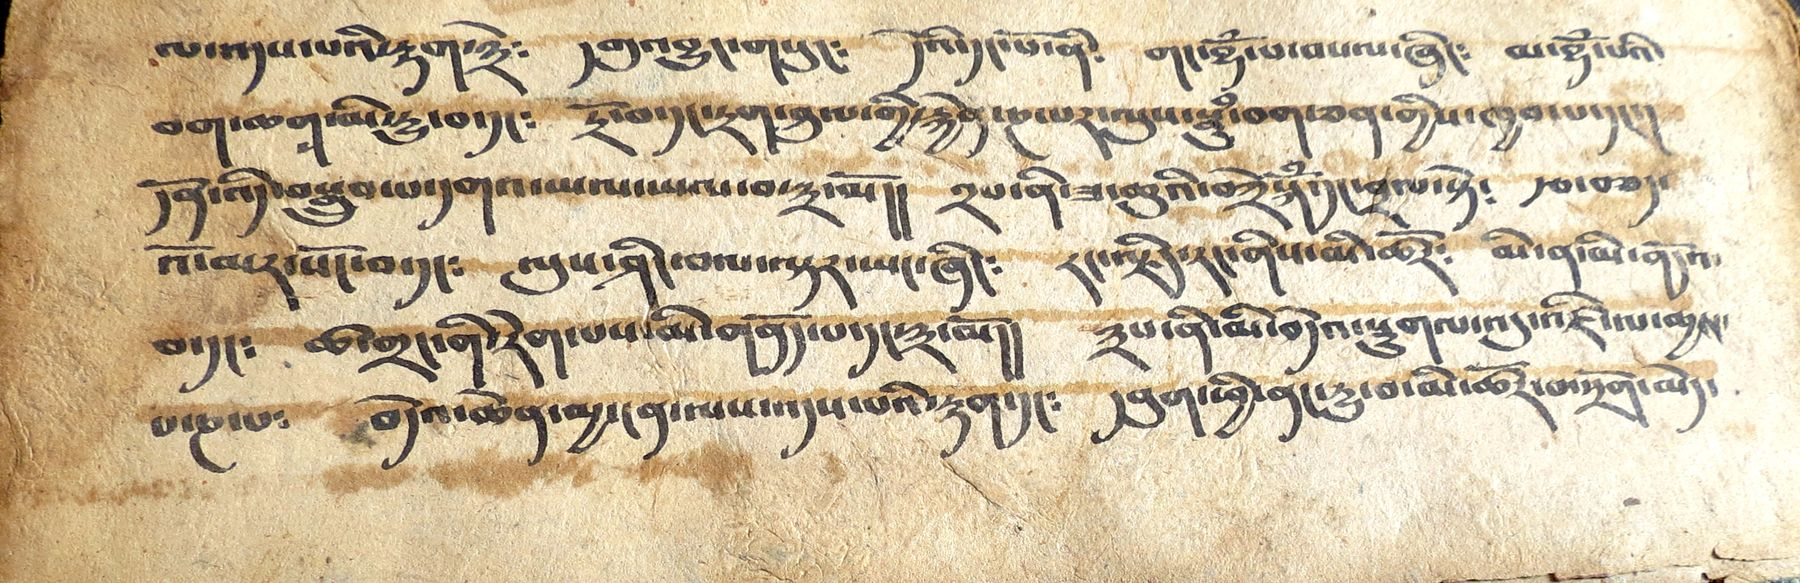ལས་འདས་པའི་རྟགས་གསུམ་སྟེ་དགུ་འབྱུང་གསུངས། དེའི་དང་པོ་ནི་གང་སྒོམ་པ་གསལ་ཞིང་། མ་སྒོམ་པའི་
བག་ཆགས་མི་རྒྱུ་བ་དང་། དྲོ་བ་དང་དྲག་ཤུལ་གྱི་རྐྱེན་མེད་པར་ལུས་སྣུམས་བག་ཅན་གྱིས་ཁྱབ་པ་དང་། 
དོན་འདི་སྒྲུབ་མེད་པར་དགའ་ཡལ་ཡལ་བ་གསུམ་མོ། གཉིས་པ་ནི། ཟས་ཆུའི་བཀྲེས་སྐོམ་བྲལ་ཏེ། རྩ་བཅད་
འོ་མར་འོང་བ་དང་། ལུས་ཤིང་བལ་ལྟར་ཡང་ཞིང་། རང་ལྗིད་རང་གིས་མི་ཚོར་མི་ནད་མི་ལྟོ་
བ་དང་། ཚ་གྲང་གི་རག་པས་མི་གནོད་པ་དང་གསུམ་མོ། གསུམ་པ་མི་བདེ་སྡུག་བསྔལ་འདུ་འཛི་ལ་ཆགས་
པ་མེད་པར། བདེ་ཆེན་མྱ་ངན་ལས་འདས་པའི་རྟགས་དང་། དབུགས་ཕྱི་ནང་དུ་རྒྱུ་བ་མི་ཚོར་བ་སྲོག་མེད་